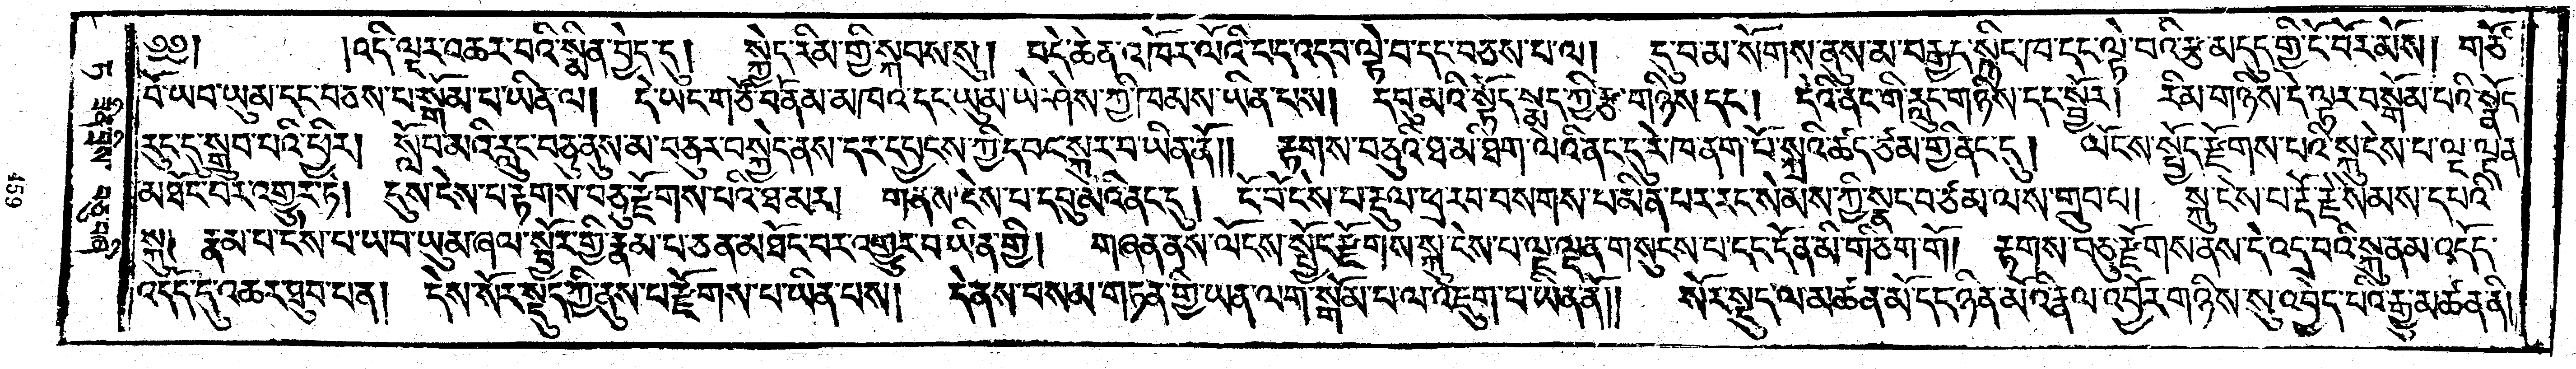༄༅། །འདི་ལྔར་འཆར་བའི་སྨིན་བྱེད་དུ། སྐྱེད་རིམ་གྱི་སྐབས་སུ། བདེ་ཆེན་འཁོར་ལོའི་པད་འདབ་ལྟེ་བ་དང་བཅས་པ་ལ། དུ་བ་མ་སོགས་ནུས་མ་བརྒྱད་སྙིང་ཁ་དང་ལྟེ་བའི་རྩ་མདུང་གྱི་ངོ་བོར་མོས། གཙོ་
བོ་ཡབ་ཡུམ་དང་བཅས་པ་སྒོམ་པ་ཡིན་ལ། དེ་ཡང་གཙོ་བོ་ནམ་མཁའ་དང་ཡུམ་ཡེ་ཤེས་ཀྱི་ཁམས་ཡིན་པས། དབུ་མའི་སྟོད་སྨད་ཀྱི་རྩ་གཉིས་དང་། དེའི་ནང་གི་རླུང་གཉིས་དང་སྦྱོར། རིམ་གཉིས་དེ་ལྟར་བསྒོམ་པའི་སྣོད་
རུང་དུ་སྒྲུབ་པའི་ཕྱིར། སློབ་མའི་རླུང་བཅུ་ནུས་མ་བཅུར་བསྐྱེད་ནས་དར་དཔྱངས་ཀྱི་དབང་སྐུར་བ་ཡིན་ནོ།། རྟགས་བཅུའི་ཐ་མི་ཐག་ལེའི་ནང་དུ་རེ་ཁ་ནག་པོ་སྐྲའི་ཚད་ཙམ་གྱི་ནང་དུ། ལོངས་སྤྱོད་རྫོགས་པའི་སྐུ་ངེས་པ་ལྔ་ལྡན་
མཐོང་བར་འགྱུར་ཏེ། དུས་ངེས་པ་རྟགས་བཅུ་རྫོགས་པའི་ཐ་མར། གནས་ངེས་པ་དབུ་མའི་ནང་དུ། ངོ་བོ་ངེས་པ་རྡུལ་ཕྲ་རབ་བསགས་པ་མིན་པར་རང་སེམས་ཀྱི་སྣང་བ་ཙམ་ལས་གྲུབ་པ། སྐུ་ངེས་པ་རྡོ་རྗེ་སེམས་དཔའི་
སྐུ༑ རྣམ་པ་ངེས་པ་ཡབ་ཡུམ་ཞལ་སྦྱོར་གྱི་རྣམ་པ་ཅན་མཐོང་བར་འགྱུར་བ་ཡིན་གྱི། གཞན་ནས་ལོངས་སྤྱོད་རྫོགས་སྐུ་ངེས་པ་ལྔ་ལྡན་གསུངས་པ་དང་དོན་མི་གཅིག་གོ། རྟགས་བཅུ་རྫོགས་ནས་དེ་འདྲ་བའི་སྐུ་ནམ་འདོད་
འདོད་དུ་འཆར་ཐུབ་པ་ན། དེས་སོར་སྡུད་ཀྱི་ནུས་པ་རྫོགས་པ་ཡིན་པས། དེ་ནས་བསམ་གཏན་གྱི་ཡན་ལག་སྒོམ་པ་ལ་འཇུག་པ་ཡིན་ནོ།། སོར་སྲུད་ལ་མཚན་མོ་དད་ཉིན་མོའི་རྣལ་འབྱོར་གཉིས་སུ་འབྱེད་པའི་རྒྱུ་མཚན་ནི།